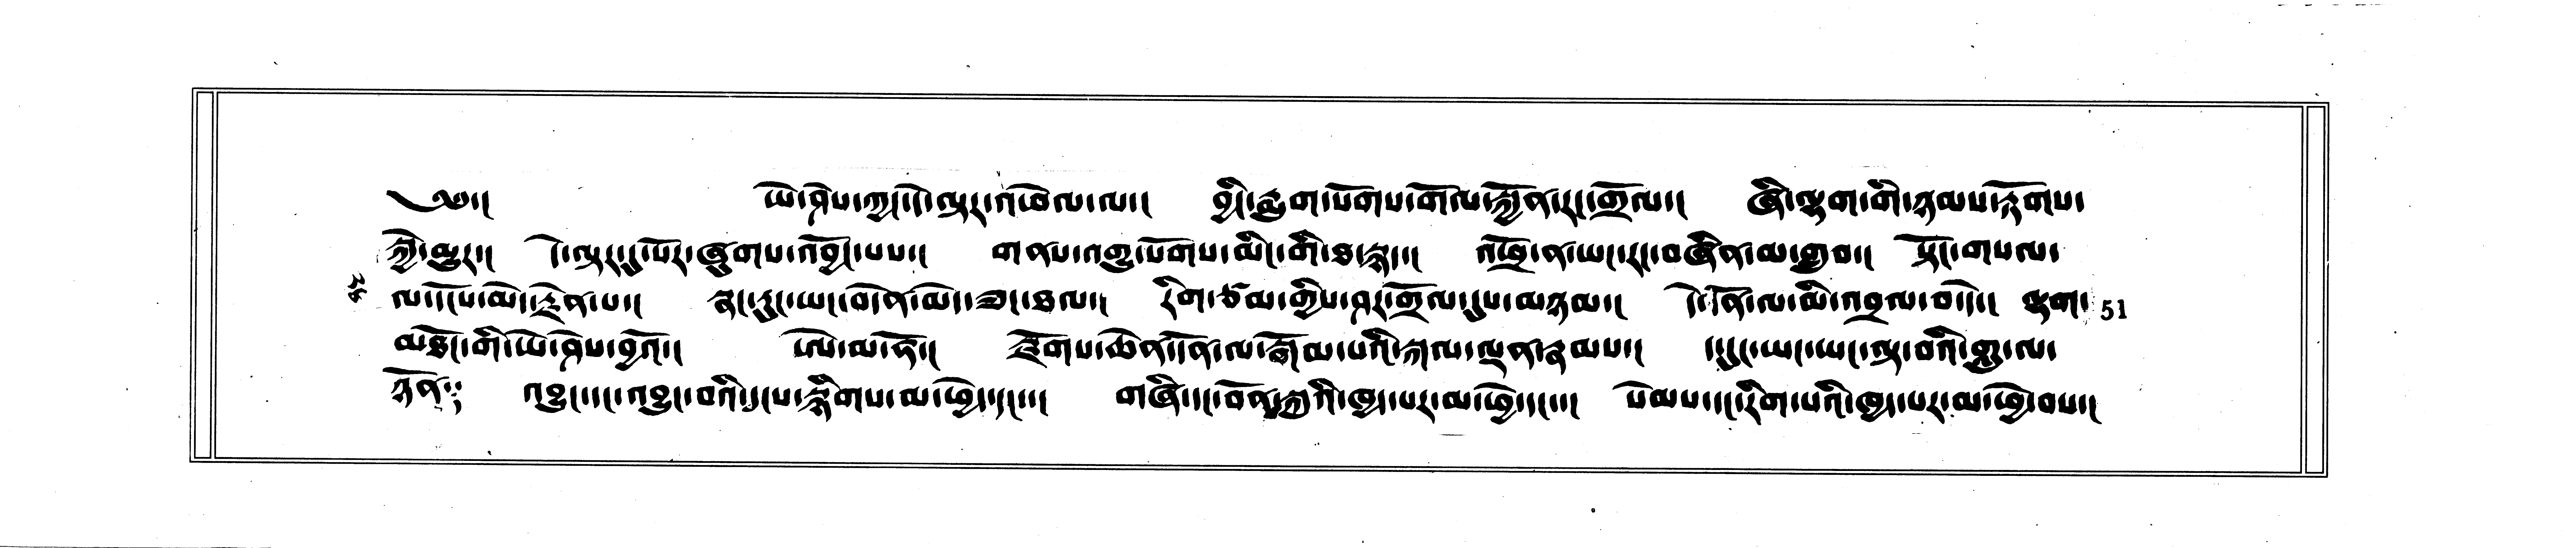ཡེ་ཤེས་ཀྱང་དེ་ལྟར་འཕེལ་ལ། །བྱིང་རྨུག་སོགས་གོལ་སྐྱོན་རང་གྲོལ། །ཞི་ལྷག་གི་ཉམས་རྟོགས་
སྐྱེ་མྱུར། །དེ་ལྟར་རུ་སོར་ཞུགས་འབྱོངས་པས། །གནས་འགྱུ་སོགས་མིང་གི་ཐ་སྙད། །འཕྲོ་ན་ཡང་རང་བཞིན་མ་གྲུབ། །སྟོང་གསལ་
ལ་དངོས་མེད་རྗེན་པ། །སྣང་རུང་ཡང་བདེན་མེད་ཟང་ཐལ། །རིག་ཙམ་གྱིས་ཤར་གྲོལ་དུས་མཉམ། །དེ་དོན་ལ་མི་འབྲལ་བ་དེ། །ལྷག་
མཐོང་གི་ཡེ་ཤེས་བྱའོ། །ཨེ་མ་ཧོ། རྫོགས་ཆེན་དོན་ལ་བསྒོམ་པའི་སྐལ་ལྡན་རྣམས། །ད་དུང་ཡང་ཡང་ལྟ་བའི་གླུ་ལ་
ཉོན། །འབྱུང་དང་འབྱུང་བའི་དང་སྙིགས་མ་ཕྱེད་དང་། །གཞི་དང་བོན་སྐུའི་ཁྱད་པར་མ་ཕྱེ་དང་། །སེམས་དང་རིག་པའི་ཁྱད་པར་མ་ཕྱེ་བས། །